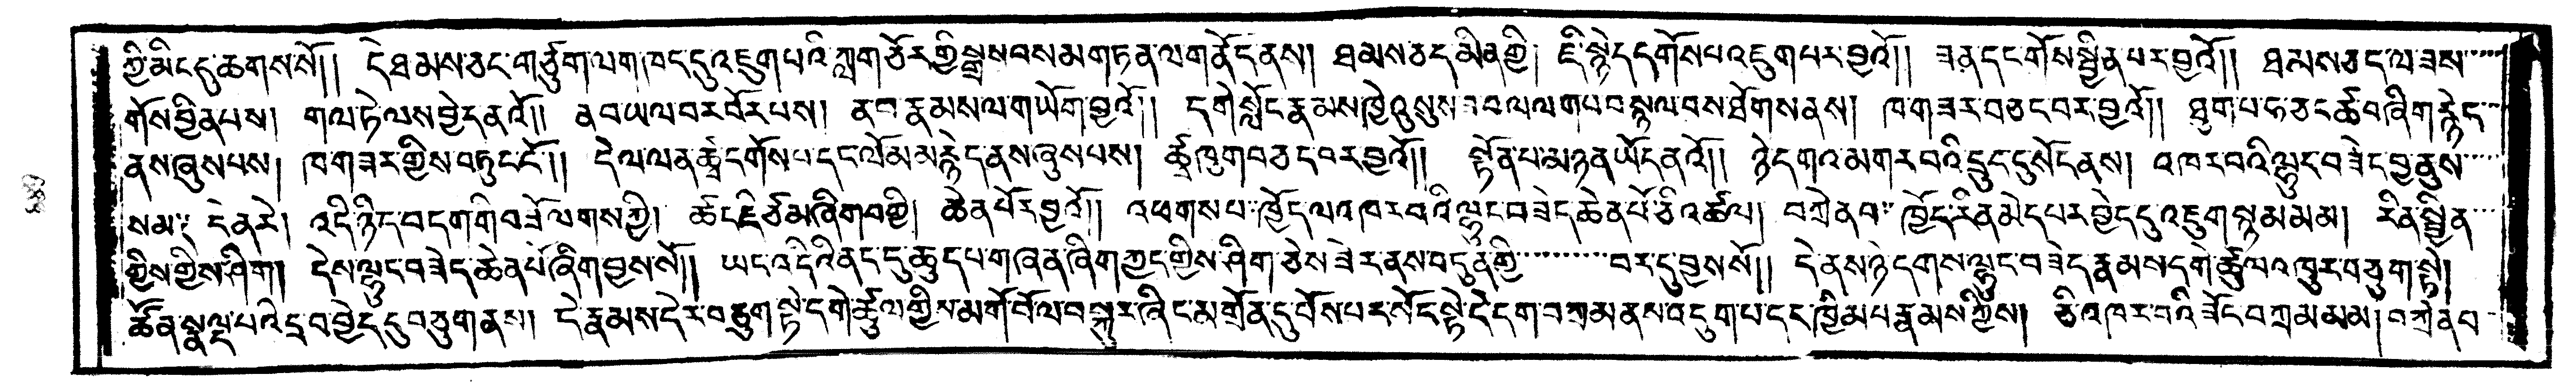ཀྱི་མིང་དུ་ཆགས་སོ།། དེ་ཐམས་ཅང་གཙུག་ལག་ཁང་དུ་འཇུག་པའི་ཀླག་ཅོར་གྱི་སྒྲས་བསམ་གཏན་ལ་གནོད་ནས། ཐམས་ཅད་མིན་གྱི། ཇི་སྙེད་དགོས་པ་འཇུག་པར་བྱའོ།། ཟན་དང་གོས་སྦྱིན་པར་བྱའོ།། ཐམས་ཅད་ལ་ཟས་
གོས་བྱིན་པས། གལ་ཏེ་ལས་བྱེད་ནའོ།། ནབ་ཡལ་བར་བོར་པས། ནབ་རྣམས་ལ་གཡོག་བྱའོ།། དགེ་སློང་རྣམས་ཁྱེའུ་སུས་ཟ་བ་ལ་ལག་པ་བསྙལ་བས་ཐོགས་ནས། ཁ་གཟར་བཅང་བར་བྱའོ།། ཐུག་པ་ཧ་ཅང་ཚ་བ་ཞིག་རྙེད་
ནས་ཞུས་པས། ཁ་གཟར་གྱིས་བཏུང་ངོ།། དེ་ལ་ལན་ཚྭ་དགོས་པ་དང་ལོ་མ་མ་རྙེད་ནས་ཞུས་པས། ཚྭ་ཁུག་བཅད་བར་བྱའོ།། སྟོན་པ་མཉན་ཡོད་ནའོ།། ཉེ་དགའ་མགར་བའི་དྲུང་དུ་སོང་ནས། འཁར་བའི་ལྷུང་བཟེད་བྱ་ནུས་
སམ༑ དེ་ན་རེ། འདི་ཉིད་བདག་གི་བཟོ་ལགས་ཀྱི། ཚད་ཇི་ཙམ་ཞིག་བགྱི། ཆེན་པོར་བྱའོ།། འཕགས་པ༑ ཁྱོད་ལ་འཁར་བའི་ལྷུང་བཟེད་ཆེན་པོ་ཅི་འཚལ། བཀྲེན་བ༑ ཁྱོད་རིན་མེད་པར་བྱེད་དུ་འཇུག་སྙམ་མམ། རིན་སྦྱིན་
གྱིས་གྱིས་ཤིག། དེས་ལྷུང་བཟེད་ཆེན་པོ་ཞིག་བྱས་སོ།། ཡང་འདིའི་ནང་དུ་ཆུད་པ་གཞན་ཞིག་ཀྱང་གྱིས་ཤིག་ཅེས་ཟེར་ནས་བདུན་གྱི་བར་དུ་བྱས་སོ།། དེ་ནས་ཉེ་དགས་ལྷུང་བཟེད་རྣམས་དགེ་ཚུལ་འཁུར་བཅུག་སྟེ།
ཚོན་སྣ་ལྔ་པའི་དྲ་བ་བྱེད་དུ་བཅུག་ནས། དེ་རྣམས་དེར་བཅུག་སྟེ་དགེ་ཚུལ་གྱིས་མགོ་བོ་ལ་བསྐུར་ཞིང་མགྲོན་དུ་བོས་པར་སོང་སྟེ་དེ་དག་བཀྲམ་ནས་འདུག་པ་དང་ཁྱིམ་པ་རྣམས་ཀྱིས། ཅི་འཁར་བའི་ཟོང་བཀྲམ་མམ། བཀྲེན་པ་